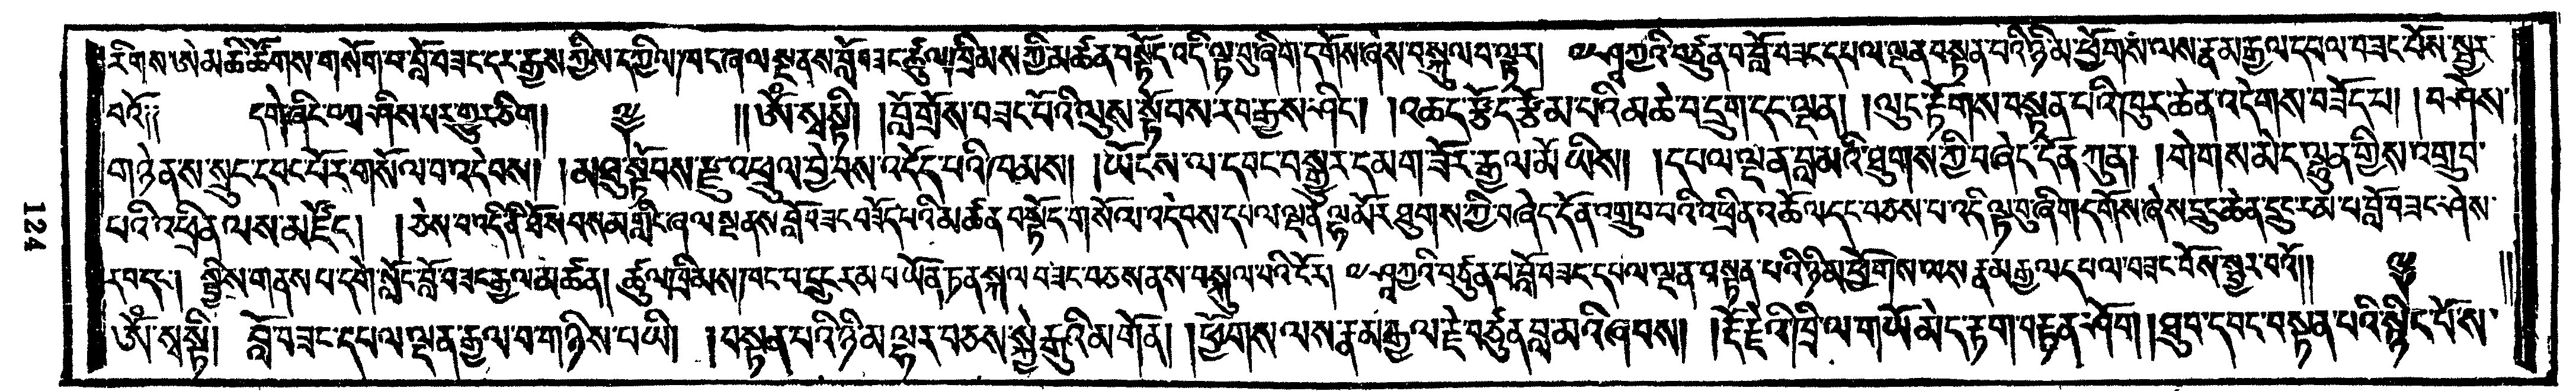རིགས་ཨེམ་ཆི་ཚོགས་གསོག་བ་བློ་བཟང་དར་རྒྱས་ཀྱིས་དཀྱིལ་ཁང་ཞལ་སྔ་ནས་བློ་བཟང་ཚུལ་ཁྲིམས་ཀྱི་མཚན་བསྟོད་འདི་ལྟ་བུ་ཞིག་དགོས་ཞེས་བསྐུལ་བ་ལྟར། ༧་ཤཱཀྱའི་བཙུན་བ་བློ་བཟང་དཔལ་ལྡན་བསྟན་པའི་ཉི་མ་ཕྱོགས་ལས་རྣམ་རྒྱལ་དཔལ་བཟང་པོས་སྦྱར་
བའོ༑༑ དགེ་ཞིང་བཀྲ་ཤིས་པར་གྱུར་ཅིག། ༈ །།ཨོཾ་སྭསྟི། །བློ་གྲོས་བཟང་པོའི་ལུས་སྟོབས་རབ་རྒྱས་ཤིང་། །འཆད་རྩོད་རྩོམ་པའི་མཆེ་བ་དྲུག་དང་ལྡན། །ལུང་རྟོགས་བསྟན་པའི་ཁུར་ཆེན་འདེགས་བཟོད་པ། །བཤེས་
གཉེན་ས་སྲུང་དབང་པོར་གསོལ་བ་འདེབས། །མཐུ་སྟོབས་རྫུ་འཕྲུལ་བྱེ་བས་འདོད་པའི་ཁམས། །ཡོངས་ལ་དབང་བསྒྱུར་དམག་ཟོར་རྒྱལ་མོ་ཡིས། །དཔལ་ལྡན་བླ་མའི་ཐུགས་ཀྱི་བཞེད་དོན་ཀུན། །གེགས་མེད་ལྷུན་གྱིས་འགྲུབ་
པའི་འཕྲིན་ལས་མཛོད། །ཅེས་བ་འདི་ནི་ཐོས་བསམ་གླིང་ཞལ་སྔ་ནས་བློ་བཟང་བཟོད་པའི་མཚན་བསྟོད་གསོལ་འདེབས་དཔལ་ལྡན་ལྷ་མོར་ཐུགས་ཀྱི་བཞེད་དོན་འགྲུབ་པའི་འཕྲིན་འཆོལ་དང་བཅས་པ་འདི་ལྟ་བུ་ཞིག་དགོས་ཞེས་དྲུང་ཆེན་དྲུང་རམ་པ་བློ་བཟང་ཤེས་
རབ་དང་། སྦྱིས་གནས་པ་དགེ་སློང་བློ་བཟང་རྒྱལ་མཚན། ཚུལ་ཁྲིམས་ཁང་པ་དྲུང་རམ་པ་ཡོན་ཏན་སྐལ་བཟང་བཅས་ནས་བསྐུལ་པའི་ངོར། ༧་ཤཱཀྱའི་བཙུན་པ་བློ་བཟང་དཔལ་ལྡན་བསྟན་པའི་ཉི་མ་ཕྱོགས་ལས་རྣམ་རྒྱལ་དཔལ་བཟང་བོས་སྦྱར་བའོ།། ༈ །།
ཨོཾ་སྭསྟི། བློ་བཟང་དཔལ་ལྡན་རྒྱལ་བ་གཉིས་པ་ཡི། །བསྟན་པའི་ཉི་མ་ལྷར་བཅས་སྐྱེ་རྒུའི་མགོན། །ཕྱོགས་ལས་རྣམ་རྒྱལ་རྗེ་བཙུན་བླ་མའི་ཞབས། །རྡོ་རྗེའི་ཁྲི་ལ་གཡོ་མེད་རྟག་བརྟན་ཤོག །ཐུབ་དབང་བསྟན་པའི་སྙིང་པོ་ས་